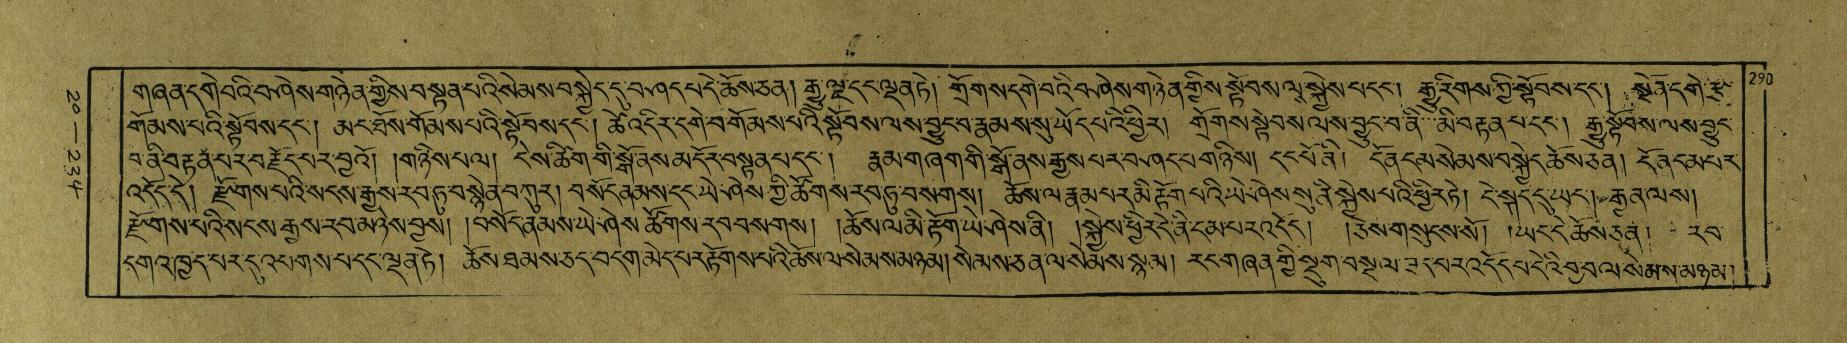གཞན་དགེ་བའི་བཤེས་གཉེན་གྱིས་བསྟན་པའི་སེམས་བསྐྱེད་དུ་བཤད་པ་དེ་ཆོས་ཅན། རྒྱུ་ལྔ་དང་ལྡན་ཏེ། གྲོགས་དགེ་བའི་བཤེས་གཉེན་གྱིས་སྟོབས་ལས་སྐྱེས་པ་དང་། རྒྱུ་རིགས་ཀྱི་སྟོབས་དང་། སྔོན་དགེ་རྩ་
གོམས་པའི་སྟོབས་དང་། མང་ཐོས་གོམས་པའི་སྟོབས་དང་། ཚེ་འདིར་དགེ་བ་གོམས་པའི་སྟོབས་ལས་བྱུང་བ་རྣམས་སུ་ཡོད་པའི་ཕྱིར། གྲོགས་སྟོབས་ལས་བྱུང་བ་ནི་མི་བརྟན་པ་དང་། རྒྱུ་སྟོབས་ལས་བྱུང་
བ་ནི་བརྟན་པར་བརྗོད་པར་བྱའོ། །གཉིས་པ་ལ། ངེས་ཚིག་གི་སྒོ་ནས་མདོར་བསྟན་པ་དང་། རྣམ་གཞག་གི་སྒོ་ནས་རྒྱས་པར་བཤད་པ་གཉིས། དང་པོ་ནི། དོན་དམ་སེམས་བསྐྱེད་ཆོས་ཅན། དོན་དམ་པར་
འདོད་དེ། རྫོགས་པའི་སངས་རྒྱས་རབ་ཏུ་བསྙེན་བཀུར། བསོད་ནམས་དང་ཡེ་ཤེས་ཀྱི་ཚོགས་རབ་ཏུ་བསགས། ཆོས་ལ་རྣམ་པར་མི་རྟོག་པའི་ཡེ་ཤེས་སུ་ནི་སྐྱེས་པའི་ཕྱིར་ཏེ། དེ་སྐད་དུ་ཡང་། རྒྱན་ལས།
རྫོགས་པའི་སངས་རྒྱས་རབ་མཉེས་བྱས། །བསོད་ནམས་ཡེ་ཤེས་ཚོགས་རབ་བསགས། །ཆོས་ལ་མི་རྟོག་ཡེ་ཤེས་ནི། །སྐྱེས་ཕྱིར་དེ་ནི་དམ་པར་འདོད། །ཅེས་གསུངས་སོ། །ཡང་དེ་ཆོས་ཅན། རབ་
དགའ་ཁྱད་པར་དུ་འཕགས་པ་དང་ལྡན་ཏེ། ཆོས་ཐམས་ཅད་བདག་མེད་པར་རྟོགས་པའི་ཆོས་ལ་སེམས་མཉམ། སེམས་ཅན་ལ་སེམས་སྙམ། རང་གཞན་གྱི་སྡུག་བསྔལ་ཟད་པར་འདོད་པ་དེའི་བྱ་བ་ལ་སེམས་མཉམ།